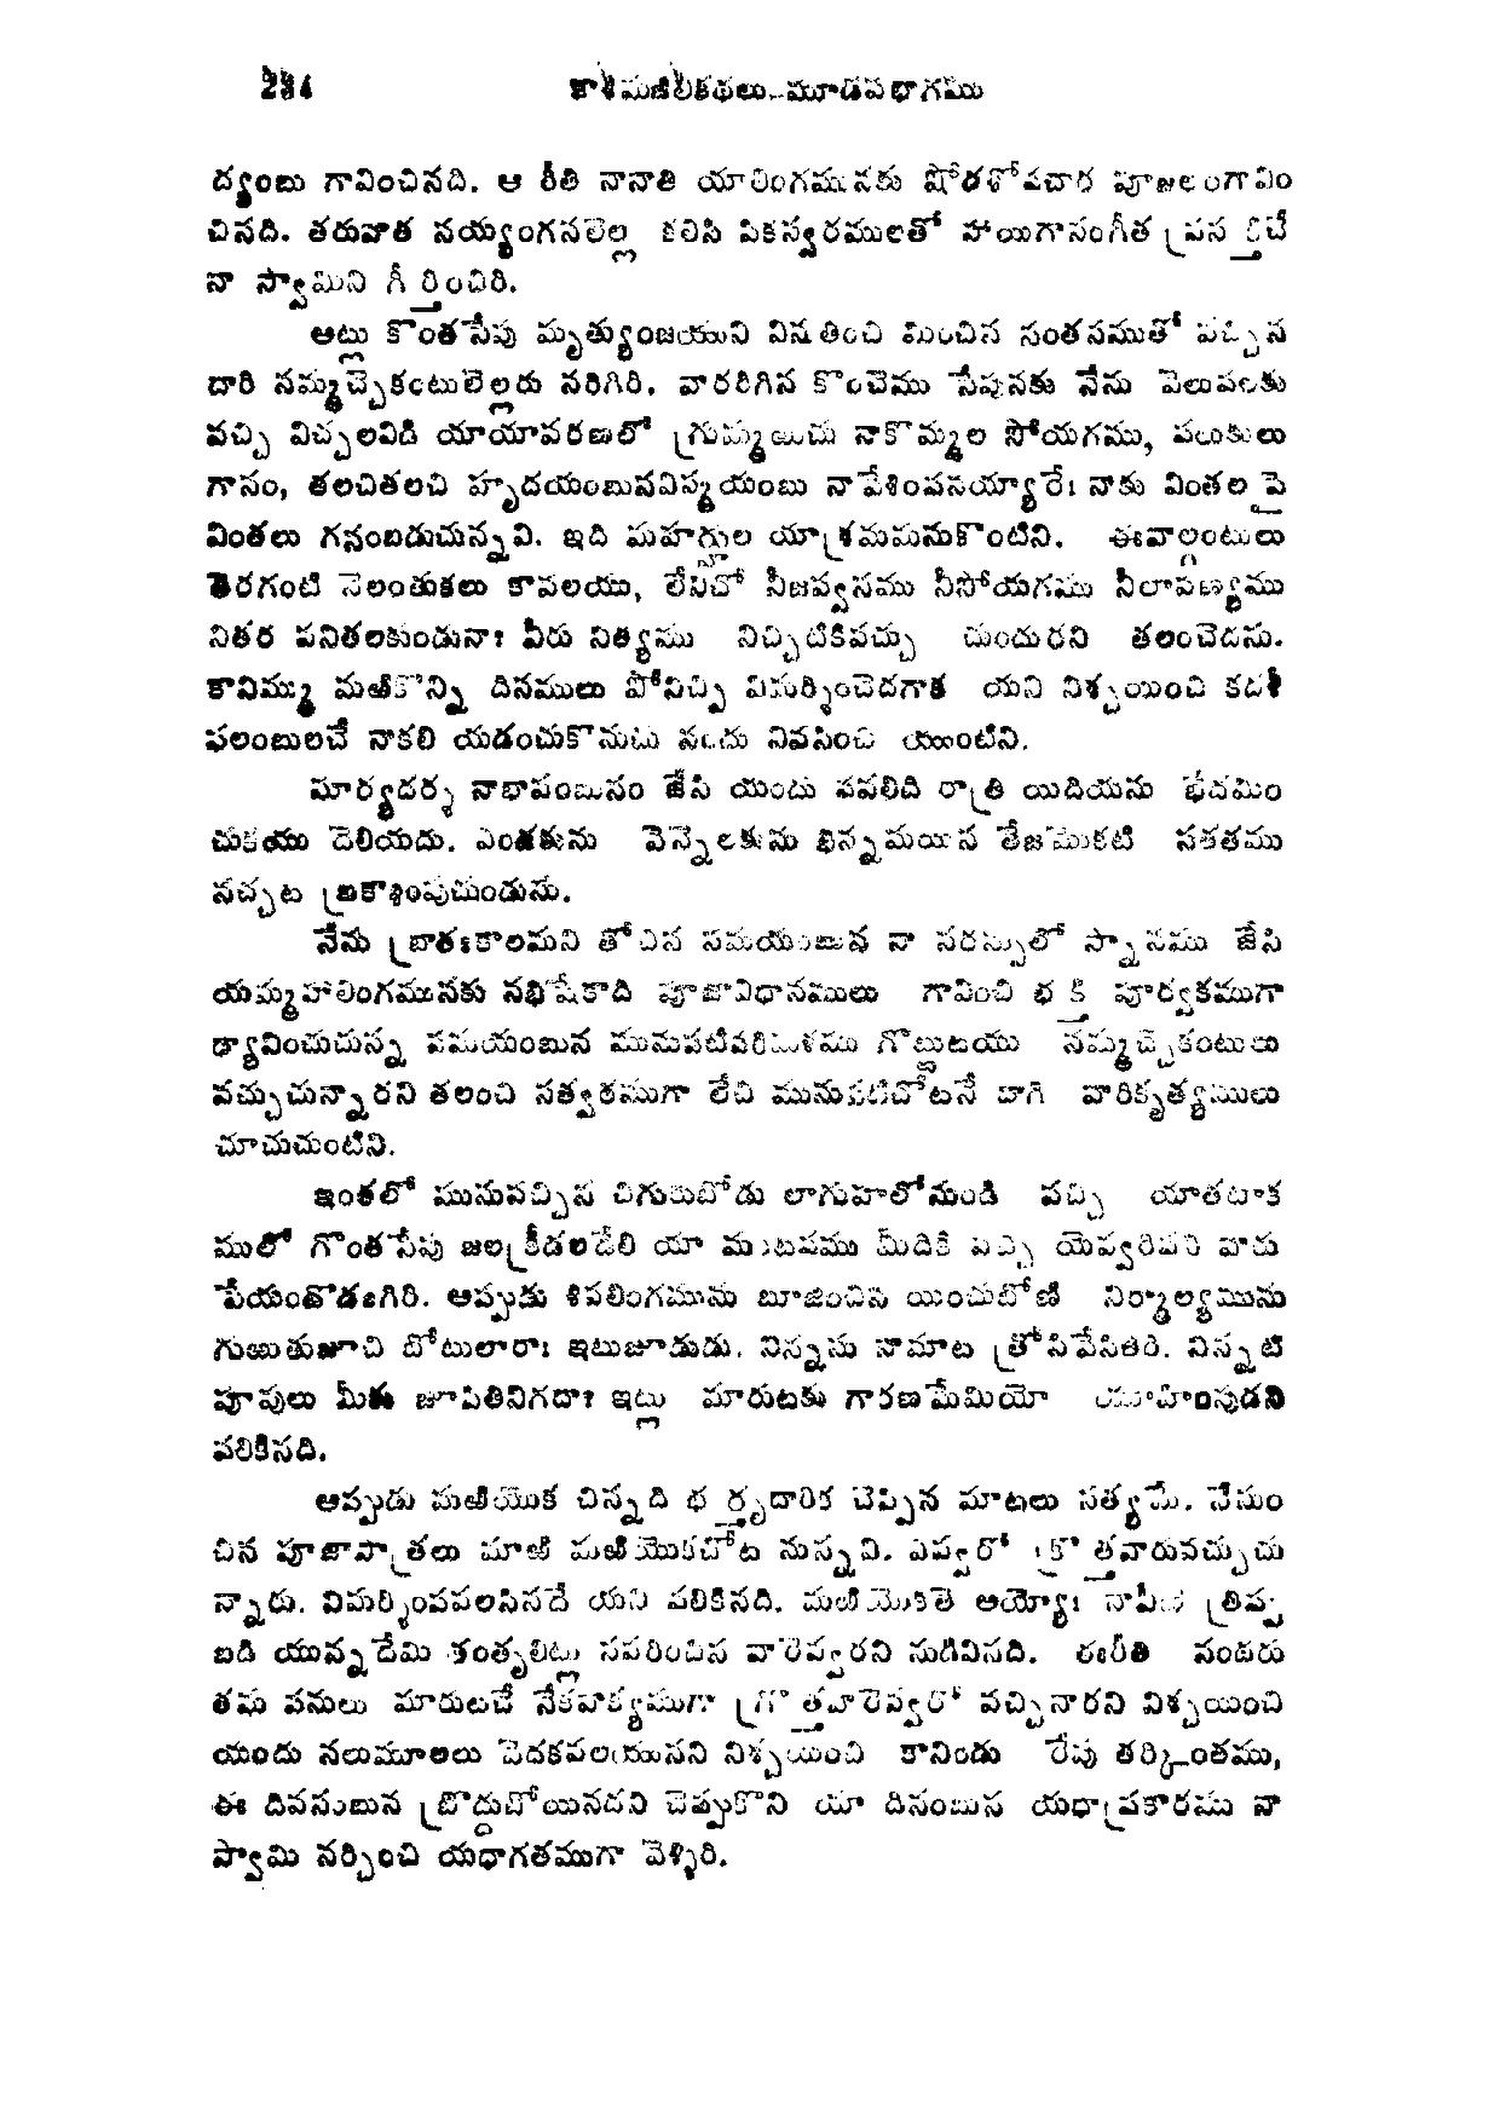ద్యంబు గావించినది. ఆ రీతి నానాతి యాలింగమునకు షోడశోపచారపూజలం గావించినది. తరువాత నయ్యంగనలెల్ల కలిసి పికస్వరములతో హాయిగా సంగీతప్రసక్తిచే నా స్వామిని గీర్తించిరి.

అట్లు కొంతసేపు మృత్యుంజయుని వినుతించి మించిన సంతసముతో వచ్చినదారి నమ్మచ్చెకంటులెల్లరు నరిగిరి. వారరిగిన కొంచెముసేపునకు నేను వెలుపలకు వచ్చి విచ్చలవిడి యాయావరణలో గ్రుమ్మఱుచు నాకొమ్మల సోయగము, పలుకులు గానం, తలచితలచి హృదయంబున విస్మయంబు నావేశింపనయ్యారే! నాకు వింతల పై వింతలు గనంబడుచున్నవి. ఇది మహర్షుల యాశ్రమమనుకొంటిని. ఈవాల్గంటులు తెరగంటి నెలంతుకలు కావలయు, లేనిచో నీజవ్వనము నీసోయగము నీలావణ్యము నితర వనితలకుండునా? వీరు నిత్యము నిచ్చిటికి వచ్చుచుందురని తలంచెదను. కానిమ్ము మఱికొన్ని దినములు పోనిచ్చి విమర్శించెదగాక యని నిశ్చయించి కదళీఫలంబులచే నాకలి యడంచుకొనుచు నందు నివసించి యుంటిని.

సూర్యదర్శనాభావంబునం జేసి యందు పవలిది రాత్రి యిది యను భేదమించుకయు దెలియదు. ఎండకును వెన్నెలకును భిన్నమయిన తేజమొకటి సతతము నచ్చట బ్రకాశింపుచుండును.

నేను బ్రాతఃకాలమని తోచిన సమయంబున నా సరస్సులో స్నానము జేసి యమ్మహాలింగమునకు నభిషేకాదిపూజావిధానములు గావించి భక్తిపూర్వకముగా ధ్యానించుచున్న సమయంబున మునుపటిపరిమళము గొట్టుటయు నమ్మచ్చెకంటులు వచ్చుచున్నారని తలంచి సత్వరముగా లేచి మునుపటిచోటనే దాగి వారికృత్యములు చూచుచుంటిని.

ఇంతలో మునువచ్చిన చిగురుబోడు లాగుహలోనుండి వచ్చి యాతటాకములో గొంతసేపు జలక్రీడలదేలి యా మంటపము మీదికి వచ్చి యెవ్వరిపని వారు సేయందొడంగిరి. అప్పుడు శివలింగమును బూజించిన యించుబోణి నిర్మాల్యమును గుఱుతుజూచి బోటులారా? ఇటుజూడుడు. నిన్నను నామాట త్రోసివేసితిరి. నిన్నటి పూవులు మీకు జూపితినిగదా? ఇట్లు మారుటకు గారణమేమియో యూహింపుడని పలికినది.

అప్పుడు మఱియొక చిన్నది భర్తృదారిక చెప్పిన మాటలు సత్యమే. నేనుంచిన పూజాపాత్రలు మాఱి మఱియొకచోట నున్నవి. ఎవ్వరో క్రొత్తవారువచ్చుచున్నారు. విమర్శింపవలసినదే యని పలికినది. మఱియొకతె అయ్యో! నావీణ త్రిప్పబడి యున్నదేమి తంతృలిట్లు సవరించిన వారెవ్వరని నుడివినది. ఈరీతి నందరు తమ పనులు మారుటచే నేకవాక్యముగా గ్రొత్తవారెవ్వరో వచ్చినారని విశ్చయించి యందు నలుమూలలు వెదకవలయునని నిశ్చయించి కానిండు రేపు తర్కింతము, ఈ దివసంబున బ్రొద్దుబోయినదని చెప్పుకొని యా దినంబున యథాప్రకారము నా స్వామి నర్చించి యథాగతముగా వెళ్ళిరి.